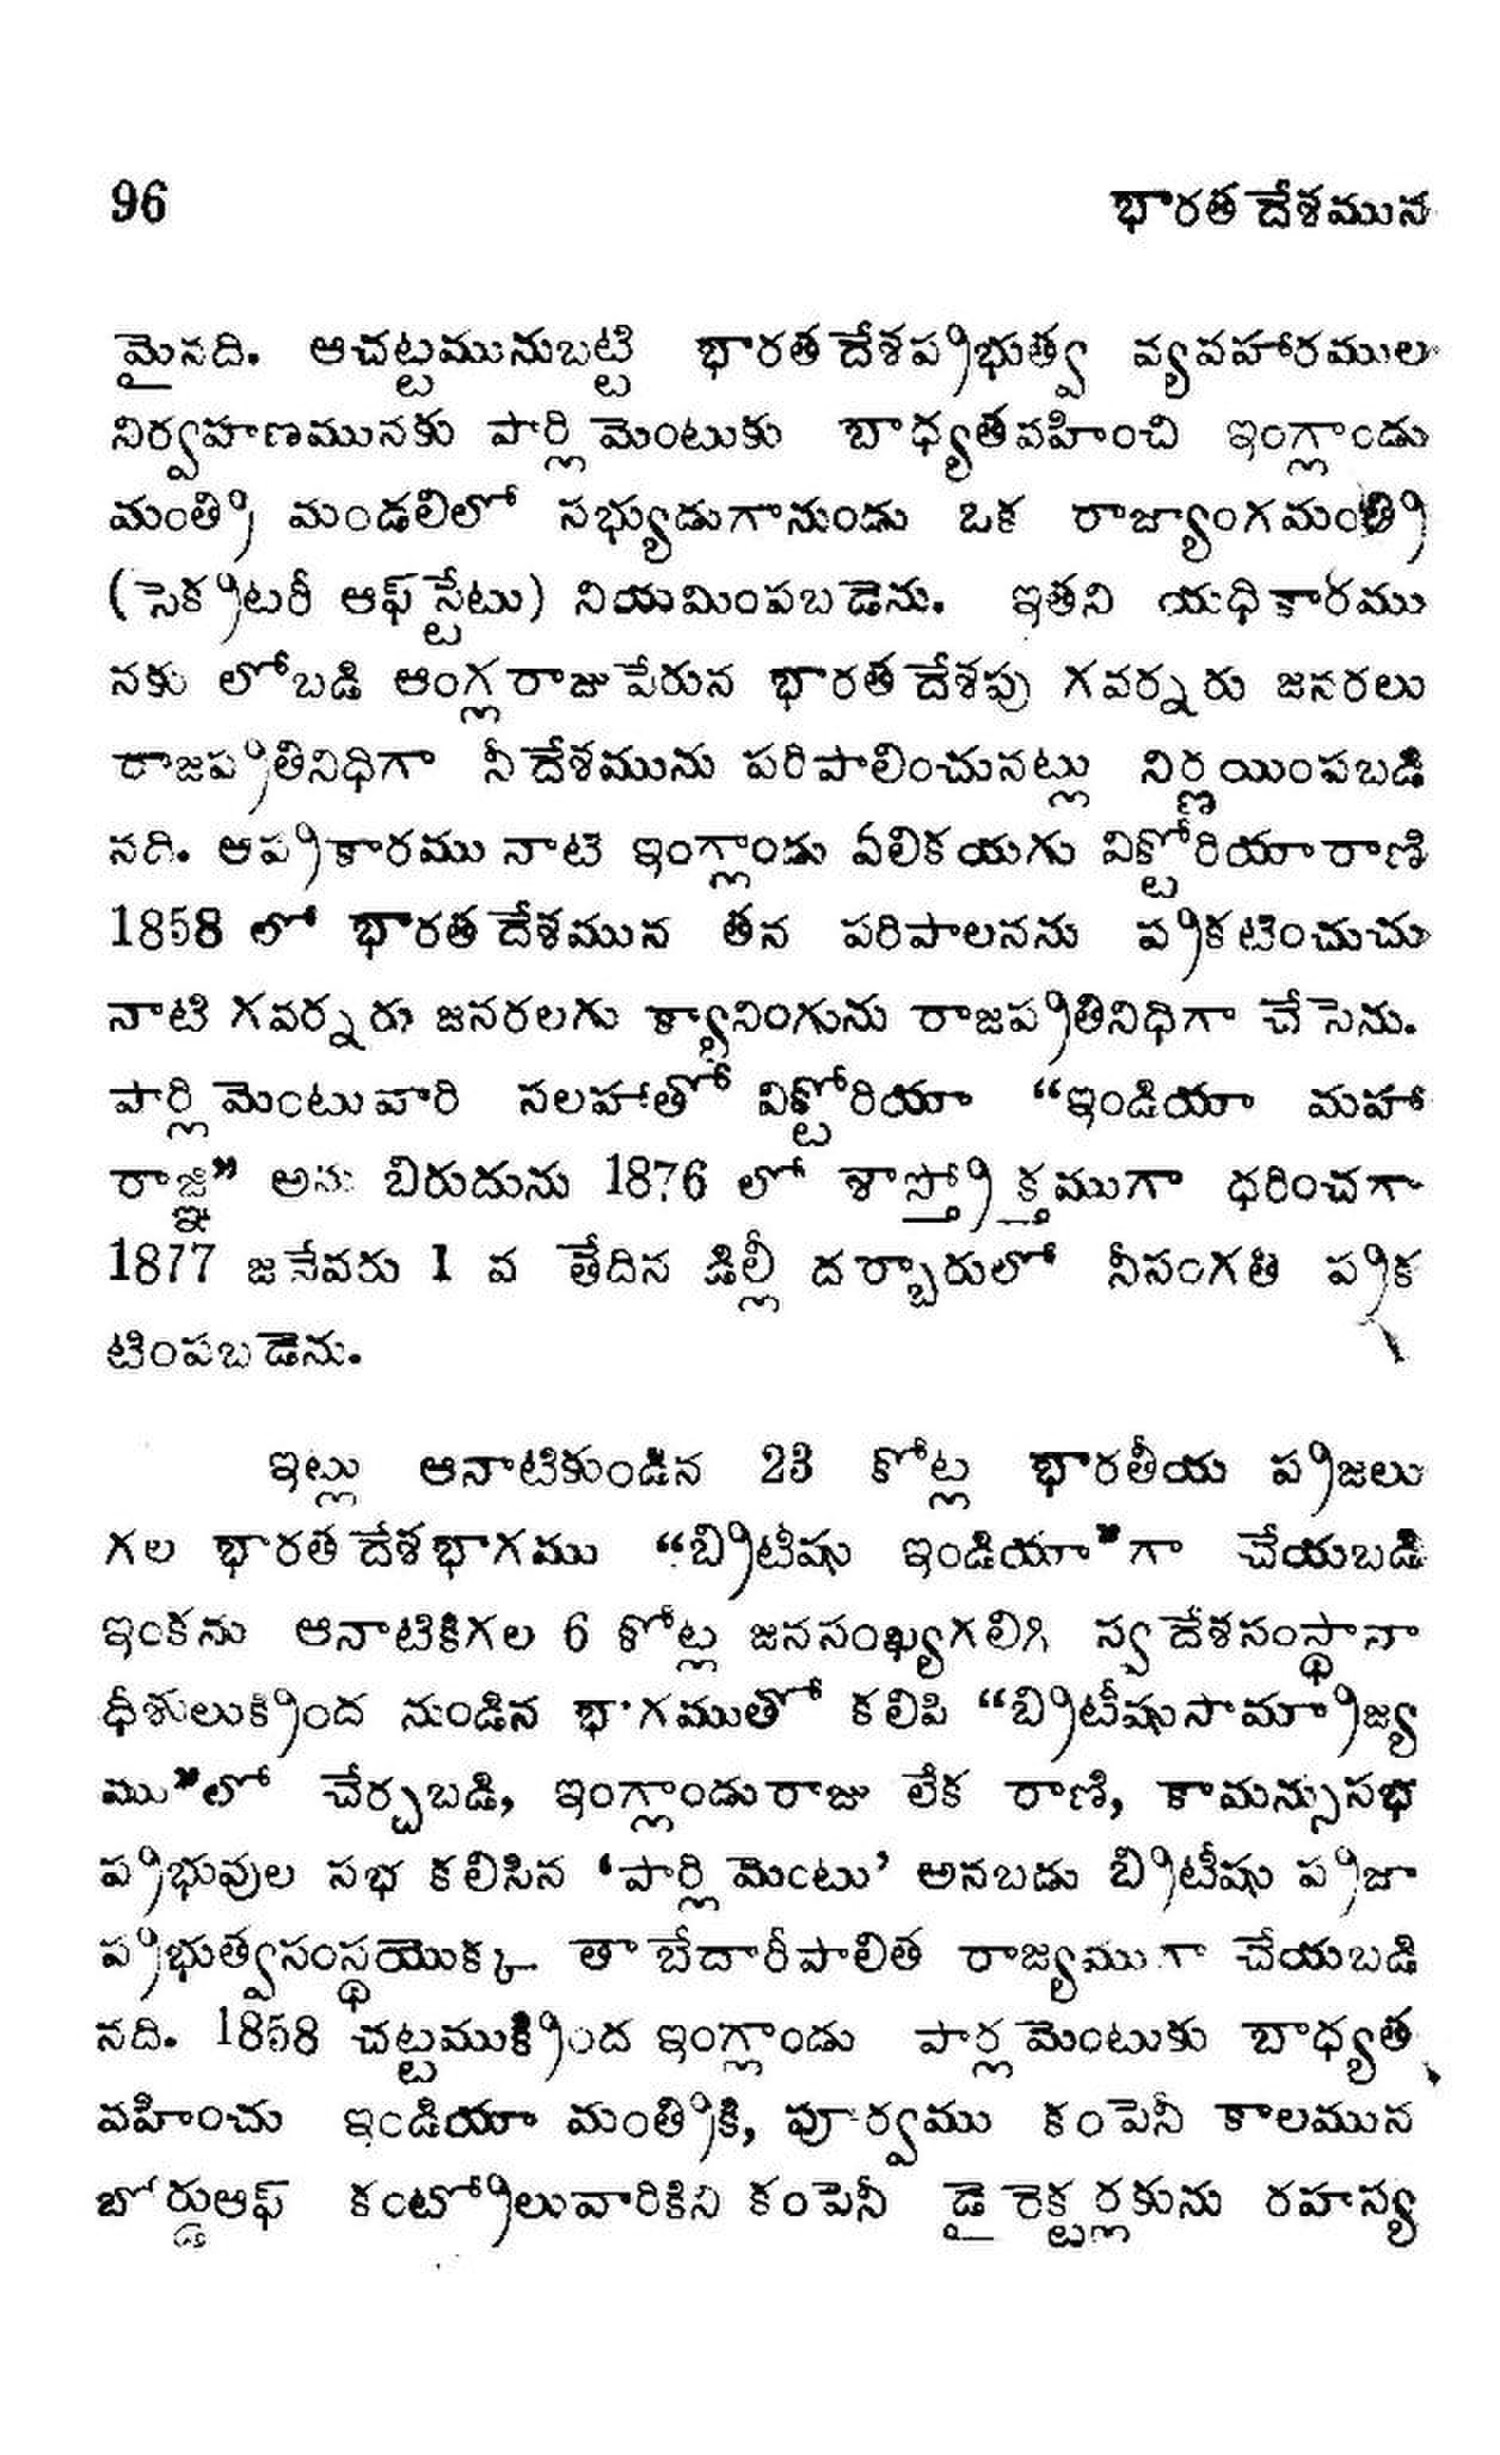మైనది. ఆచట్టమునుబట్టి భారతదేశప్రభుత్వ వ్యవహారముల నిర్వహణమునకు పార్లిమెంటుకు బాధ్యతవహించి ఇంగ్లాండు మంత్రి మండలిలో సభ్యుడుగానుండు ఒక రాజ్యాంగమంత్రి, (సెక్రటరీ ఆఫ్‌స్టేటు) నియమింపబడెను. ఇతని యధికారమునకు లోబడి ఆంగ్లరాజుపేరున భారతదేశపు గవర్నరు జనరలు రాజప్రతినిధిగా నీ దేశమును పరిపాలించునట్లు నిర్ణయింపబడినది. ఆప్రకారము నాటి ఇంగ్లాండు ఏలికయగు విక్టోరియారాణి 1858 లో భారతదేశమున తన పరిపాలనను ప్రకటించుచు నాటి గవర్నరు జనరలగు క్యానింగును రాజప్రతినిధిగా చేసెను. పార్లమెంటువారి సలహాతో విక్టోరియా "ఇండియా మహా రాజ్ఞి" అను బిరుదును 1876 లో శాస్త్రోక్తముగా ధరించగా 1877 జనేవరు 1 వ తేదిన ఢిల్లీ దర్బారులో నీ సంగతి ప్రకటింపబడెను.

ఇట్లు ఆనాటికుండిన 23 కోట్ల భారతీయ ప్రజలు గల భారతదేశభాగము “బ్రిటీషు ఇండియా"గా చేయబడి ఇంకను ఆనాటికిగల 6 కోట్ల జనసంఖ్యగలిగి స్వదేశసంస్థానాధీశులుక్రింద నుండిన భాగముతో కలిపి “బ్రిటీషు సామ్రాజ్యము"లో చేర్చబడి, ఇంగ్లాండురాజు లేక రాణి, కామస్సుసభ ప్రభువుల సభ కలిసిన 'పార్లి మెంటు' అనబడు బ్రిటీషు ప్రజూప్రభుత్వ సంస్థయొక్క తాబేదారీపాలిత రాజ్యముగా చేయబడినది. 1858 చట్టముక్రింద ఇంగ్లాండు పార్లమెంటుకు బాధ్యత వహించు ఇండియా మంత్రికి, పూర్వము కంపెనీ కాలమున బోర్డుఆఫ్ కంట్రోలువారికిని కంపెనీ డైరెక్టర్లకును రహస్య